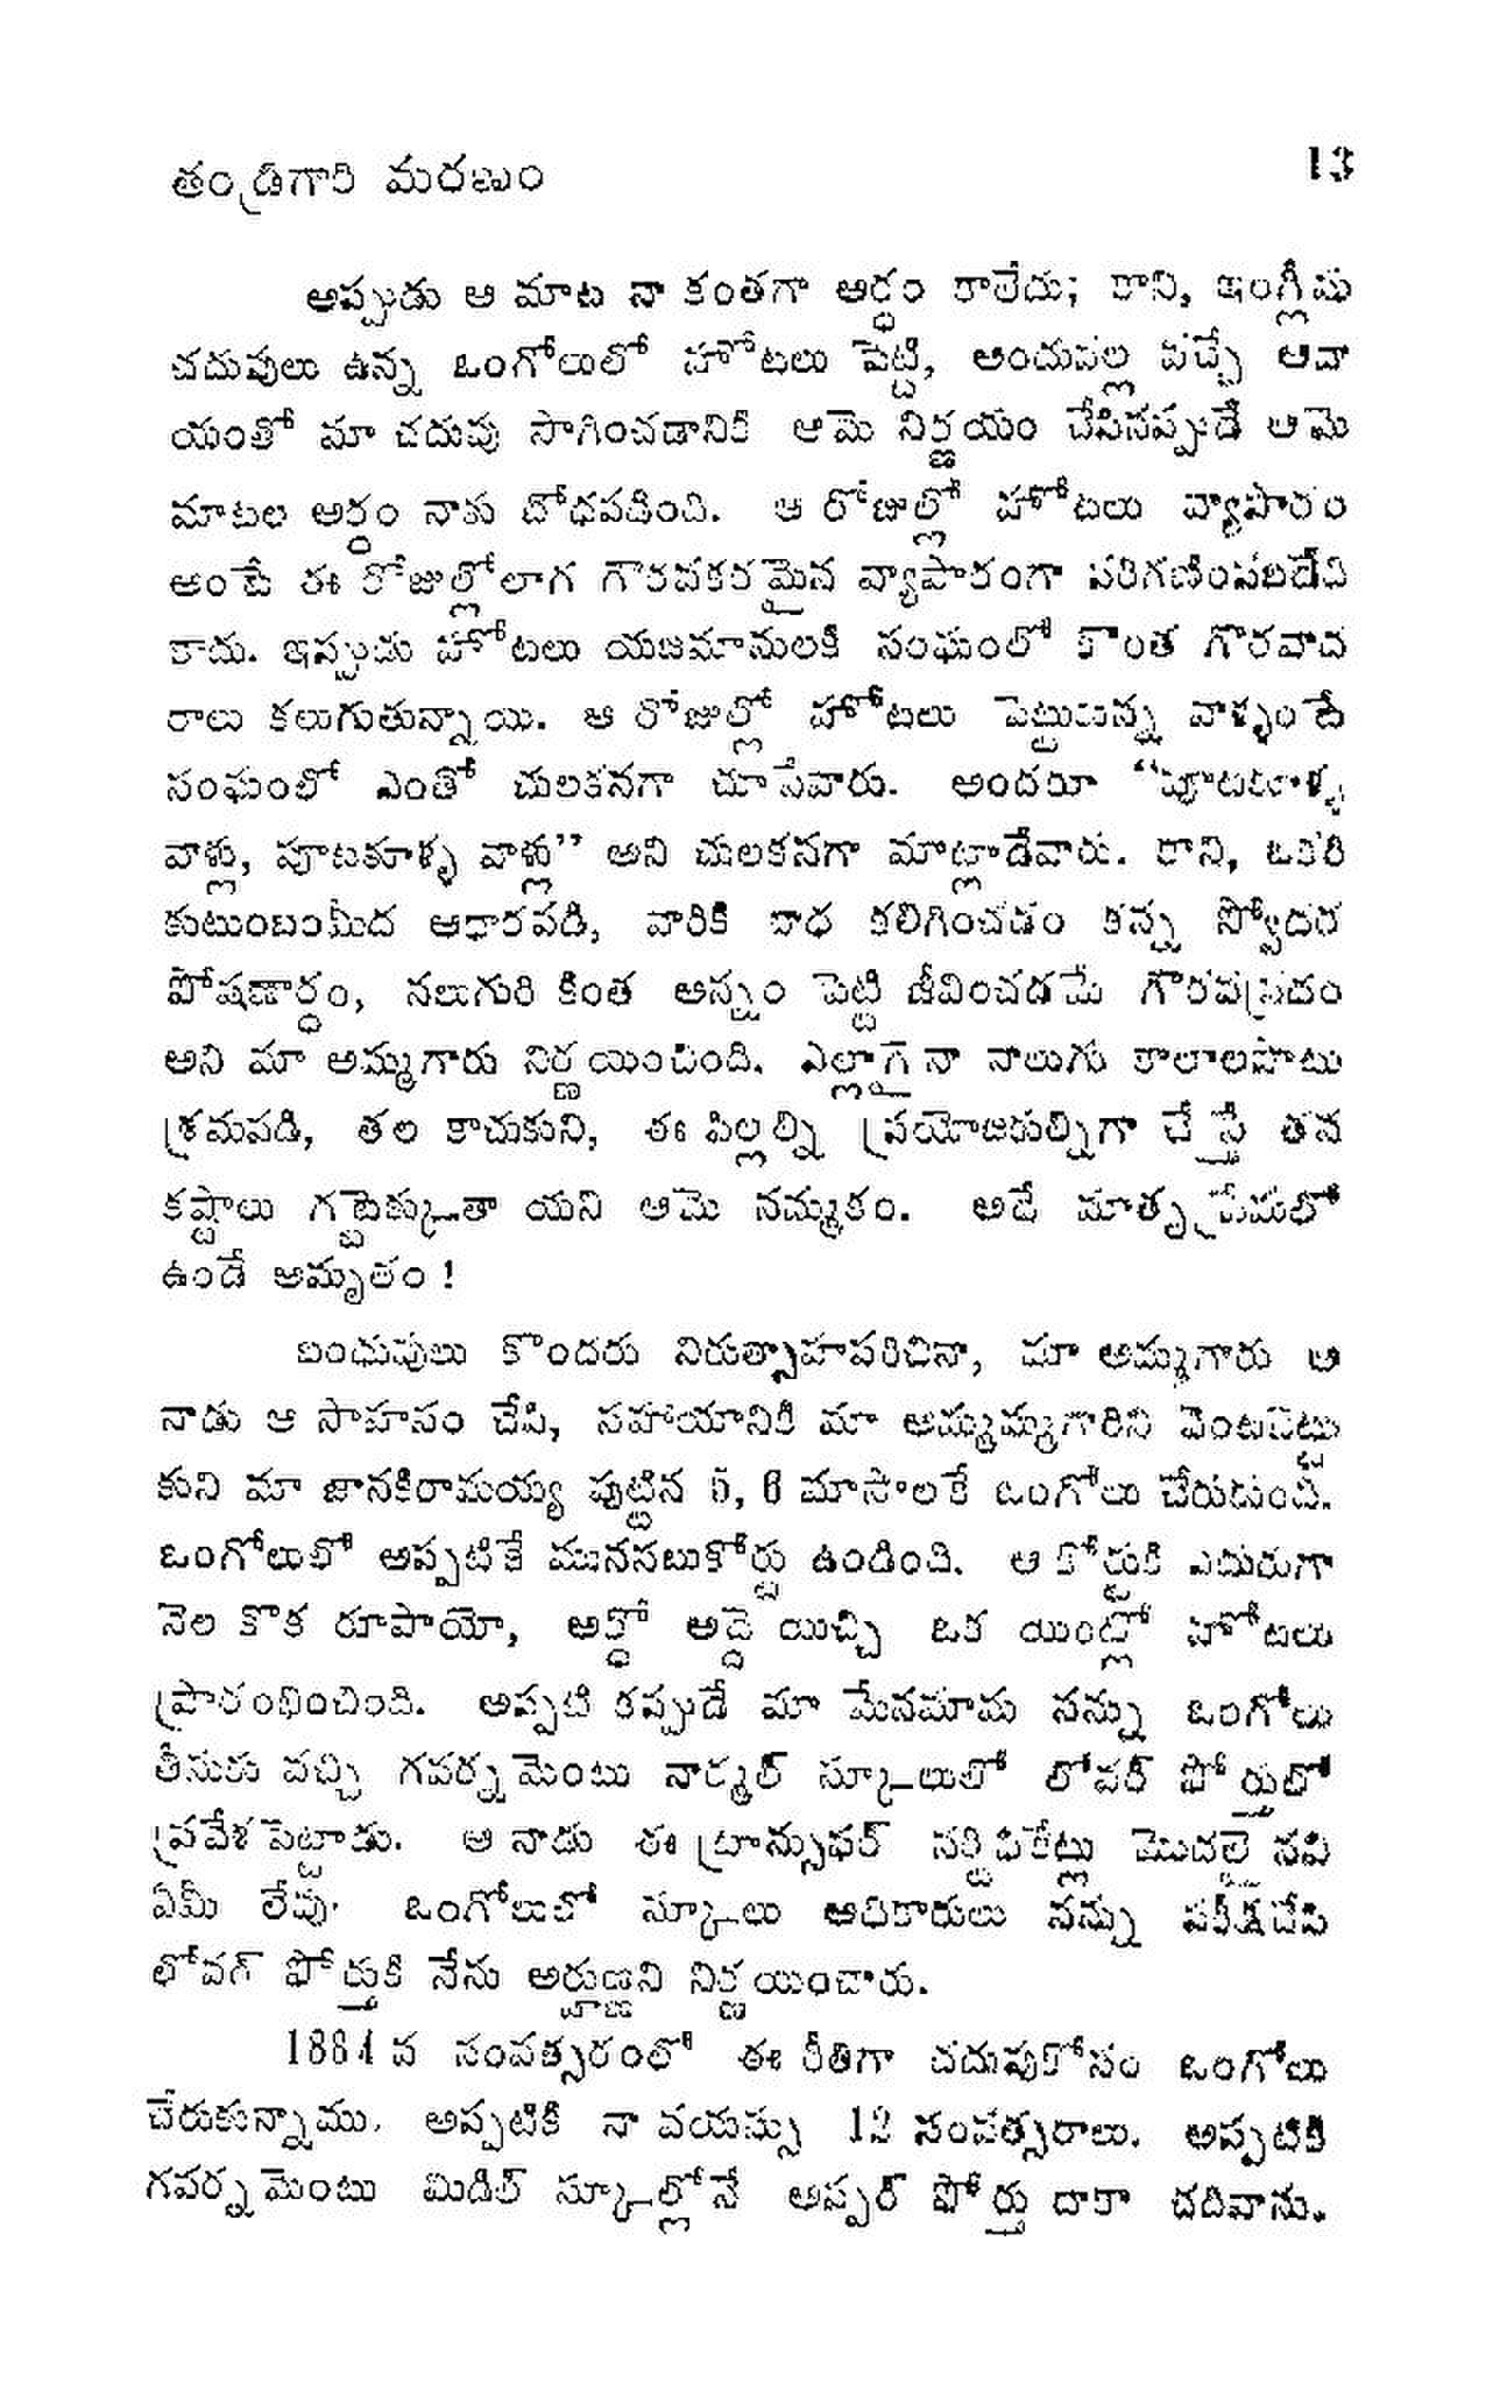అప్పుడు ఆ మాట నా కంతగా అర్థం కాలేదుచ కానీ, ఇంగ్లీషు చదువులు ఉన్న ఒంగోలులో హోటలు పెట్టి, అందువల్ల వచ్చే ఆదాయంతో మా చదువు సాగించడానికి ఆమె నిర్ణయం చేసినప్పుడే ఆమె మాటల అర్థం నాకు బోధపడింది. ఆ రోజుల్లో హోటలు వ్యాపారం అంటే ఈ రోజుల్లోలాగ గౌరవకరమైన వ్యాపారంగా పరిగణింపబడేది కాదు. ఇప్పుడు హోటలు యజమానులకి సంఘంలో కొంత గౌరవాదరాలు కలుగుతున్నాయి. ఆ రోజుల్లో హోటలు పెట్టుకున్న వాళ్ళంటే సంఘంలో ఎంతో చులకనగా చూసేవారు. అందరూ "పూటకూళ్ళ వాళ్ళు, పూటకూళ్ళ వాళ్ళు" అని చులకనగా మాట్లాడేవారు. కానీ, ఒకరి కుటుంబంమీద ఆధారపడి, వారికి బాధ కలిగించడం కన్న స్వోదరపోషణార్థం, నలుగురికింత అన్నం పెట్టి జీవించడమే గౌరవప్రదం అని మా అమ్మగారు నిర్ణయించింది. ఎల్లాగైనా నాలుగు కాలాలపాటు శ్రమ పడి, తలకాచుకుని, ఈ పిల్లల్ని ప్రయోజకుల్ని చేస్తే తన కష్టాలు గట్టెక్కుతాయని ఆమె నమ్మకం. అదే మాతృప్రేమలో ఉండే అమృతం.

బంధువులు కొందరు నిరుత్సాహపరిచినా, మా అమ్మగారు ఆ నాడు సాహసం చేసి, సహాయానికి మా అమ్మమ్మగారిని వెంటబెట్టుకుని మా జానకిరామయ్య పుట్టిన 5,6 మాసాలకే ఒంగోలు చేరుకుంది. ఒంగోలులో అప్పటికే మునసబు కోర్టు ఉండింది. ఆ కోర్టుకి ఎదురుగా నెలకొక రూపాయో, అర్ధో అద్దె ఇచ్చి ఒక ఇంట్లో హోటలు ప్రారంభించింది. అప్పటికప్పుడే మా మేనమామ నన్ను ఒంగోలు తీసుకు వచ్చి గవర్నమెంటు నార్మల్ స్కూలులో లోవర్ ఫోర్తులో ప్రవేశపెట్టాడు. ఆ నాడు ట్రాన్సుఫర్ సర్టిఫికేట్లు మొదలైనవి ఏమీలేవు. ఒంగోలులో స్కూలు అధికారులు నన్ను పరీక్ష చేసి లోవర్ ఫోర్తుకి నేను అర్హుణ్ణని నిర్ణయించారు.

1884 సంవత్సరంలో ఈరీతిగా చదువుకోసం ఒంగోలు చేరుకున్నాము. ఆప్పటికి నా వయస్సు 12 సంవత్సరాలు. అప్పటికి గవర్నమెంటు మిడిల్ స్కూల్లో అప్పర్ ఫోర్తు దాకా చదివాను.